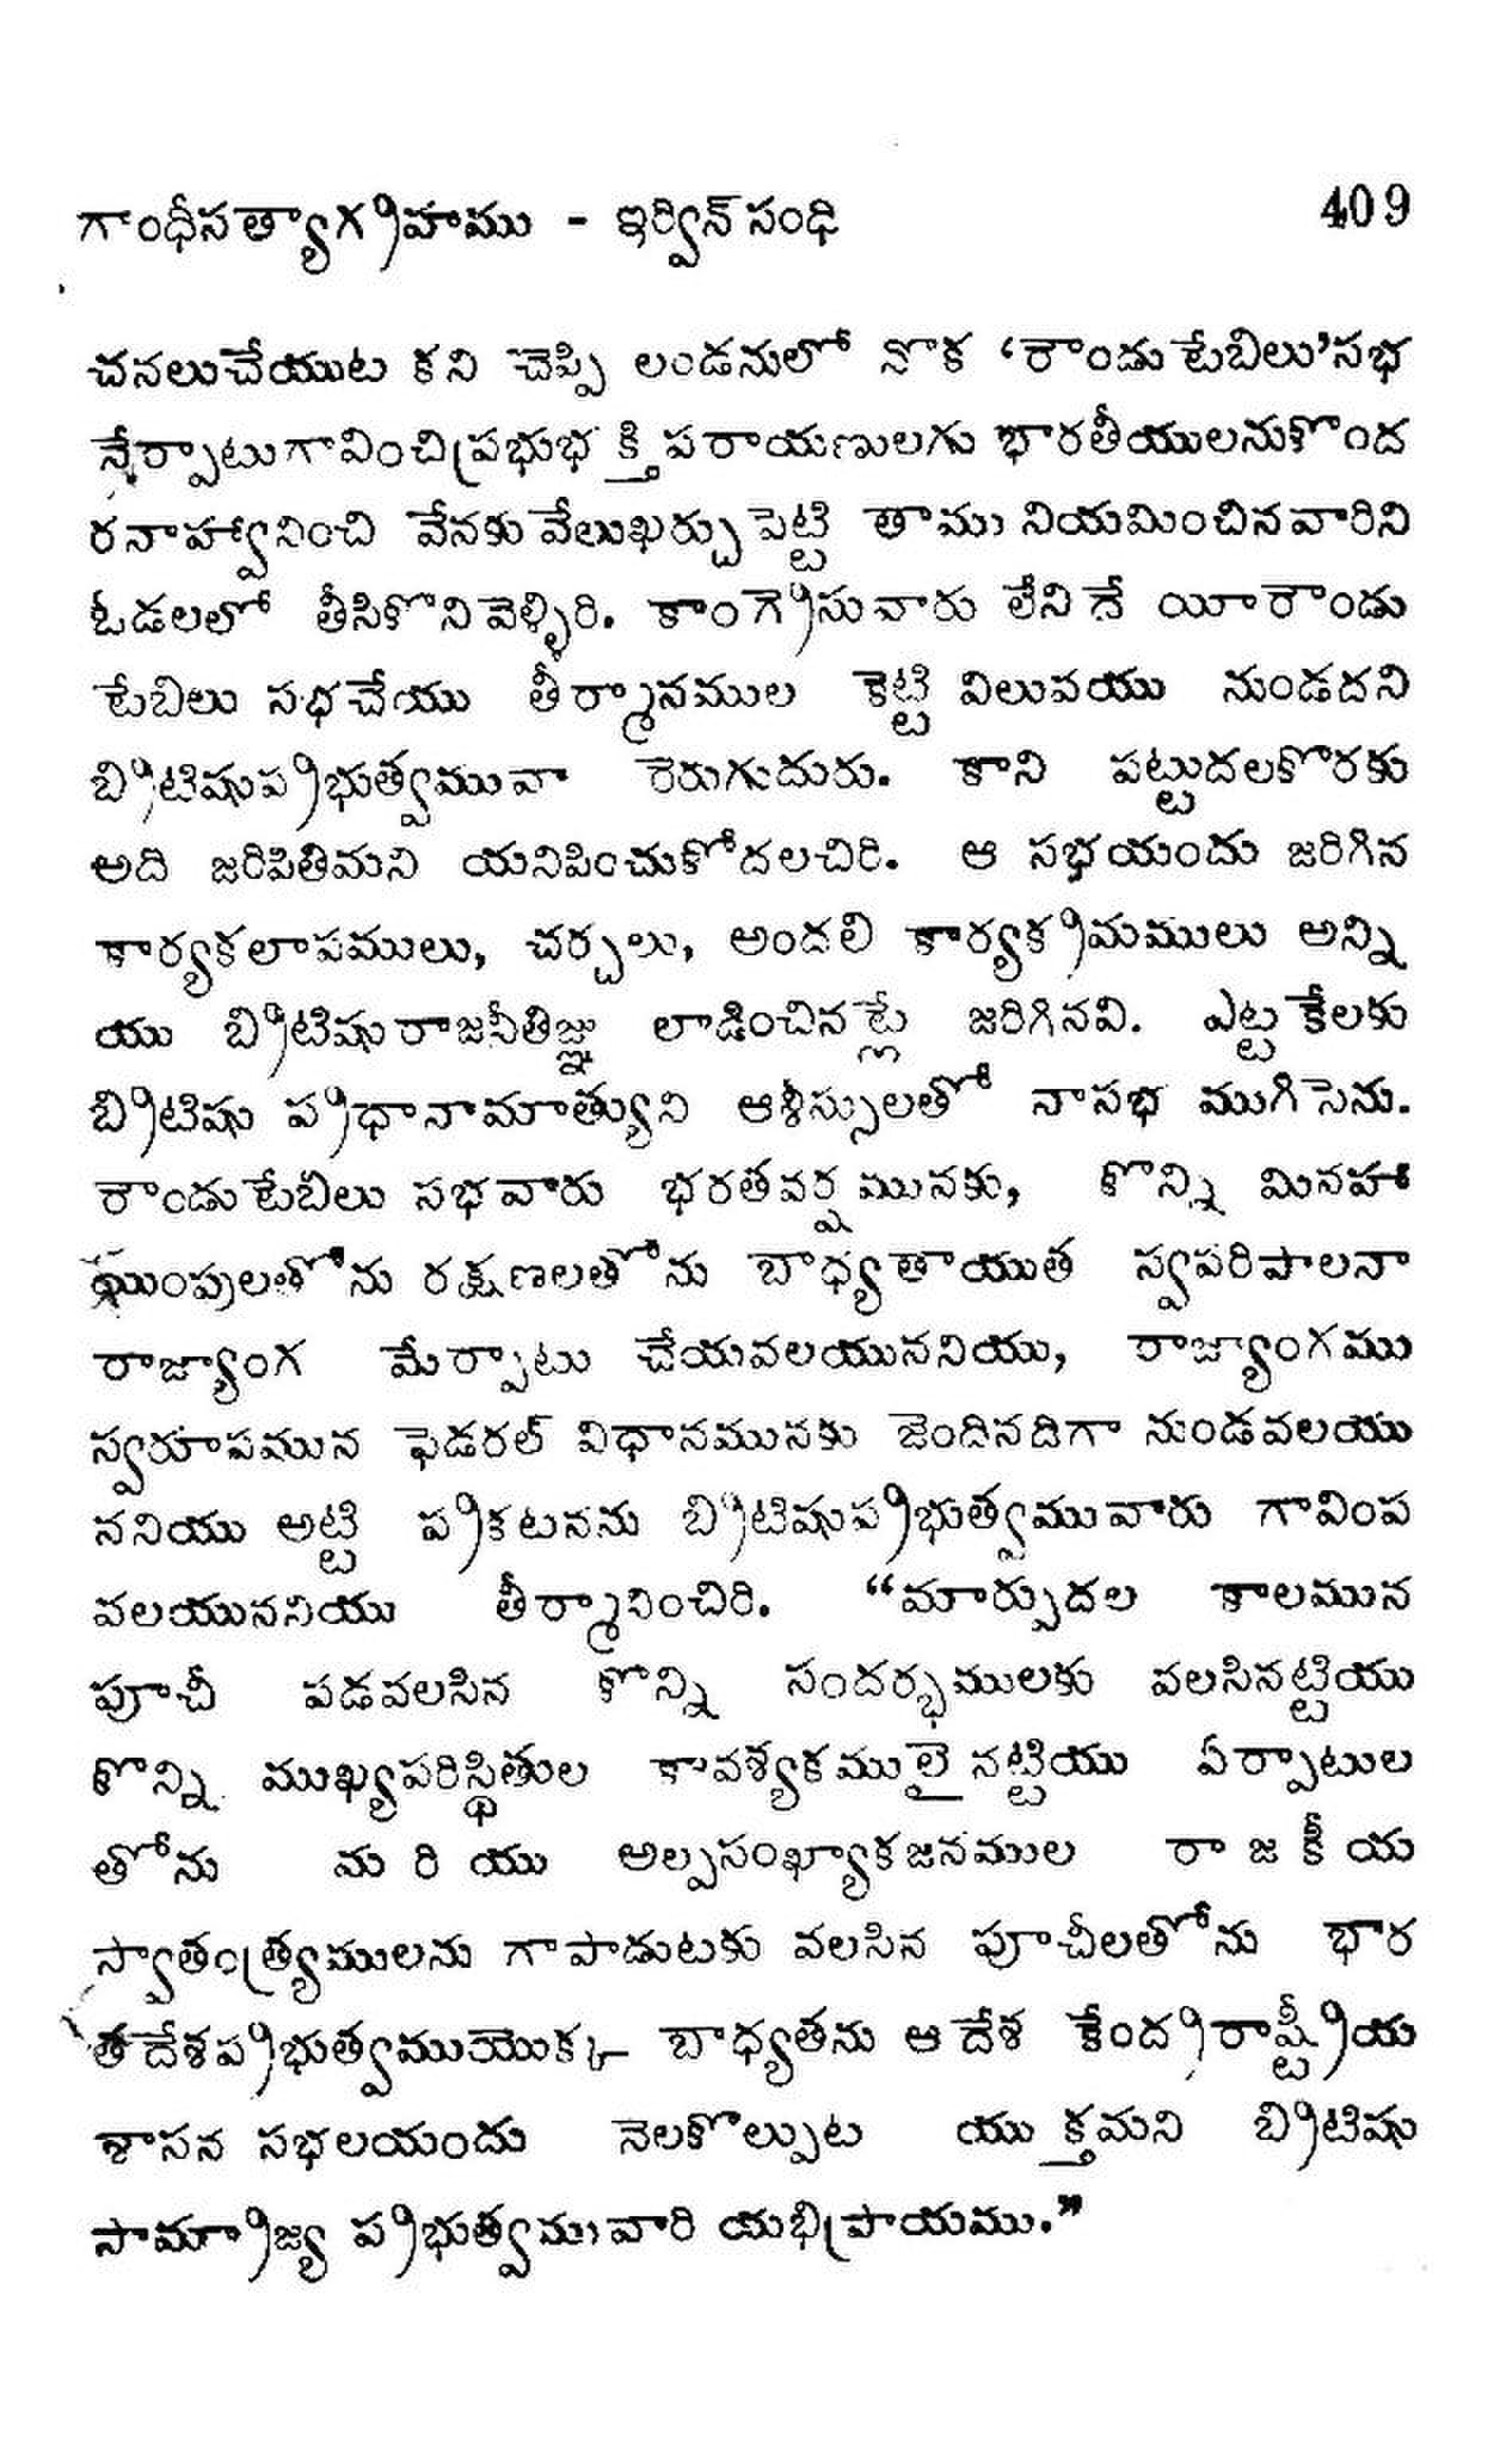చనలుచేయుట కని చెప్పి లండనులో నొక 'రౌండు టేబిలు'సభ నేర్పాటుగావించి ప్రభుభక్తిపరాయణులగు భారతీయులను కొందరనాహ్వానించి వేనకువేలుఖర్చుపెట్టి తాము నియమించినవారిని ఓడలలో తీసికొనివెళ్ళిరి. కాంగ్రెసువారు లేనిదే యీరౌండుటేబిలు సభచేయు తీర్మానముల కెట్టి విలువయు నుండదని బ్రిటిషుప్రభుత్వమువా రెరుగుదురు. కాని పట్టుదలకొరకు అది జరిపితిమని యనిపించుకోదలచిరి. ఆ సభయందు జరిగిన కార్యకలాపములు, చర్చలు, అందలి కార్యక్రమములు అన్నియు బ్రిటిషురాజనీతిజ్ఞు లాడించినట్లే జరిగినవి. ఎట్టకేలకు బ్రిటిషు ప్రధానామాత్యుని ఆశీస్సులతో నాసభ ముగిసెను. రౌండుటేబిలు సభవారు భరతవర్షమునకు, కొన్ని మినహా యింపులతోను రక్షణలతోను బాధ్యతాయుత స్వపరిపాలనా రాజ్యాంగ మేర్పాటు చేయవలయుననియు, రాజ్యాంగము స్వరూపమున ఫెడరల్ విధానమునకు జెందినదిగా నుండవలయు ననియు అట్టి ప్రకటనను బ్రిటిషుప్రభుత్వమువారు గావింప వలయుననియు తీర్మానించిరి. “మార్పుదల కాలమున పూచీ పడవలసిన కొన్ని సందర్భములకు వలసినట్టియు కొన్ని ముఖ్యపరిస్థితుల కావశ్యకములైనట్టియు ఏర్పాటులతోను మరియు అల్పసంఖ్యాకజనముల రాజకీయ స్వాతంత్ర్యములను గాపాడుటకు వలసిన పూచీలతోను భారతదేశప్రభుత్వముయొక్క బాధ్యతను ఆదేశ కేంద్రరాష్ట్రీయ శాసన సభలయందు నెలకొల్పుట యుక్తమని బ్రిటిషుసామ్రాజ్య ప్రభుత్వమువారి యభిప్రాయము.”